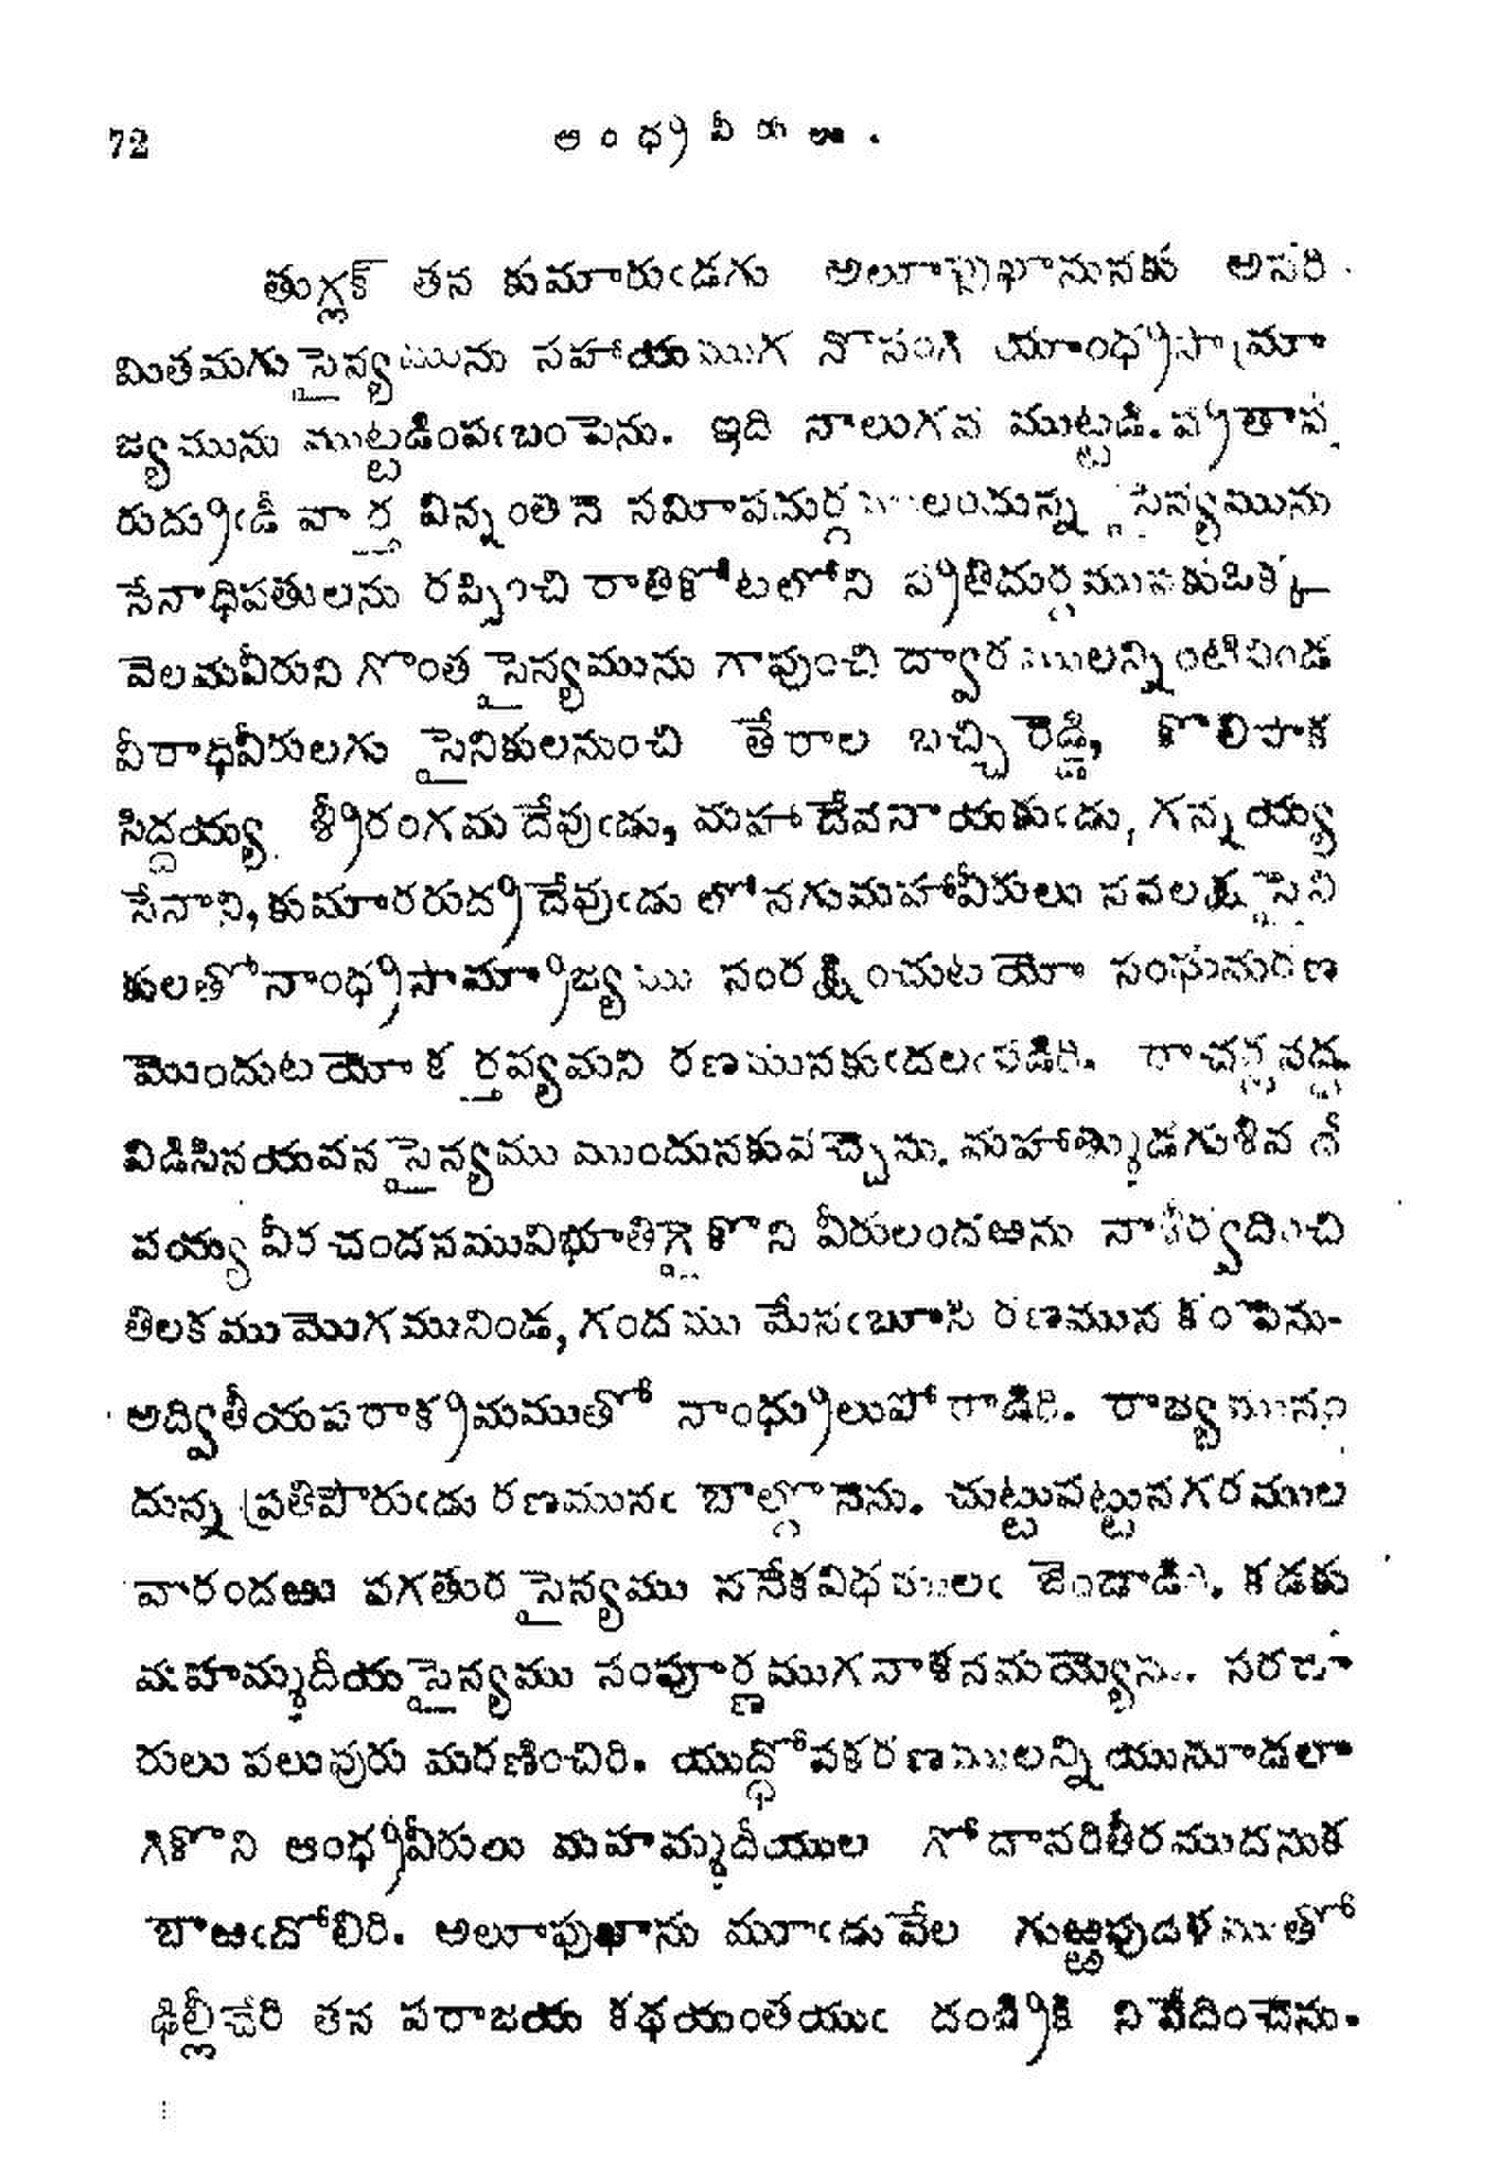తుగ్లక్ తన కుమారుడగు అలూపుఖానునకు అపరిమితమగు సైన్యమును సహాయముగ నొసంగి యాంధ్రసామ్రాజ్యమును ముట్టడింపబంపెను. ఇది నాలుగవ ముట్టడి. ప్రతాపరుద్రుడీ వార్త విన్నంతనె సమీపదుర్గములందున్న సైన్యమును సేనాధిపతులను రప్పించి రాతికోటలోని ప్రతిదుర్గమునకు ఒక్క వెలమవీరుని గొంతసైన్యమును గాపుంచి ద్వారములన్నింటినిండ వీరాధివీరులగు సైనికులనుంచి తేరాల బచ్చిరెడ్డి, కొలిపాక సిద్దయ్య, శ్రీరంగమదేవుడు, మహాదేవనాయకుడు, గన్నయ్య సేనాని, కుమారరుద్రదేవుడు లోనగుమహావీరులు సవలక్ష సైనికులతో నాంధ్రసామ్రాజ్యము సంరక్షించుటయో సంఘమరణ మొందుటయో కర్తవ్యమని రణమునకు దలపడిరి. రాచర్లవద్ద విడిసిన యవనసైన్యము ముందునకు వచ్చెను. మహాత్ముడగు శివదేవయ్య వీర చందనము విభూతిగైకొని వీరులందఱును నాశీర్వదించి తిలకము మొగమునిండ, గందము మేన బూసి రణమున కంపెను. అద్వితీయపరాక్రమముతో నాంధ్రులుపోరాడిరి. రాజ్యమునందున్న ప్రతిపౌరుడు రణమున బాల్గొనెను. చుట్టుపట్టునగరముల వారందఱు పగతుర సైన్యము ననేకవిధముల జెండాడిరి. కడకు మహమ్మదీయసైన్యము సంపూర్ణముగ నాశనమయ్యెను. సరదారులు పలువురు మరణించిరి. యుద్ధోపకరణములన్నియు నూడలాగికొని ఆంధ్రవీరులు మహమ్మదీయుల గోదావరితీరము దనుక బాఱదోలిరి. అలూపుఖాను మూడువేల గుఱ్ఱపుదళముతో డిల్లీచేరి తన పరాజయ కథయంతయు దండ్రికి నివేదించెను.